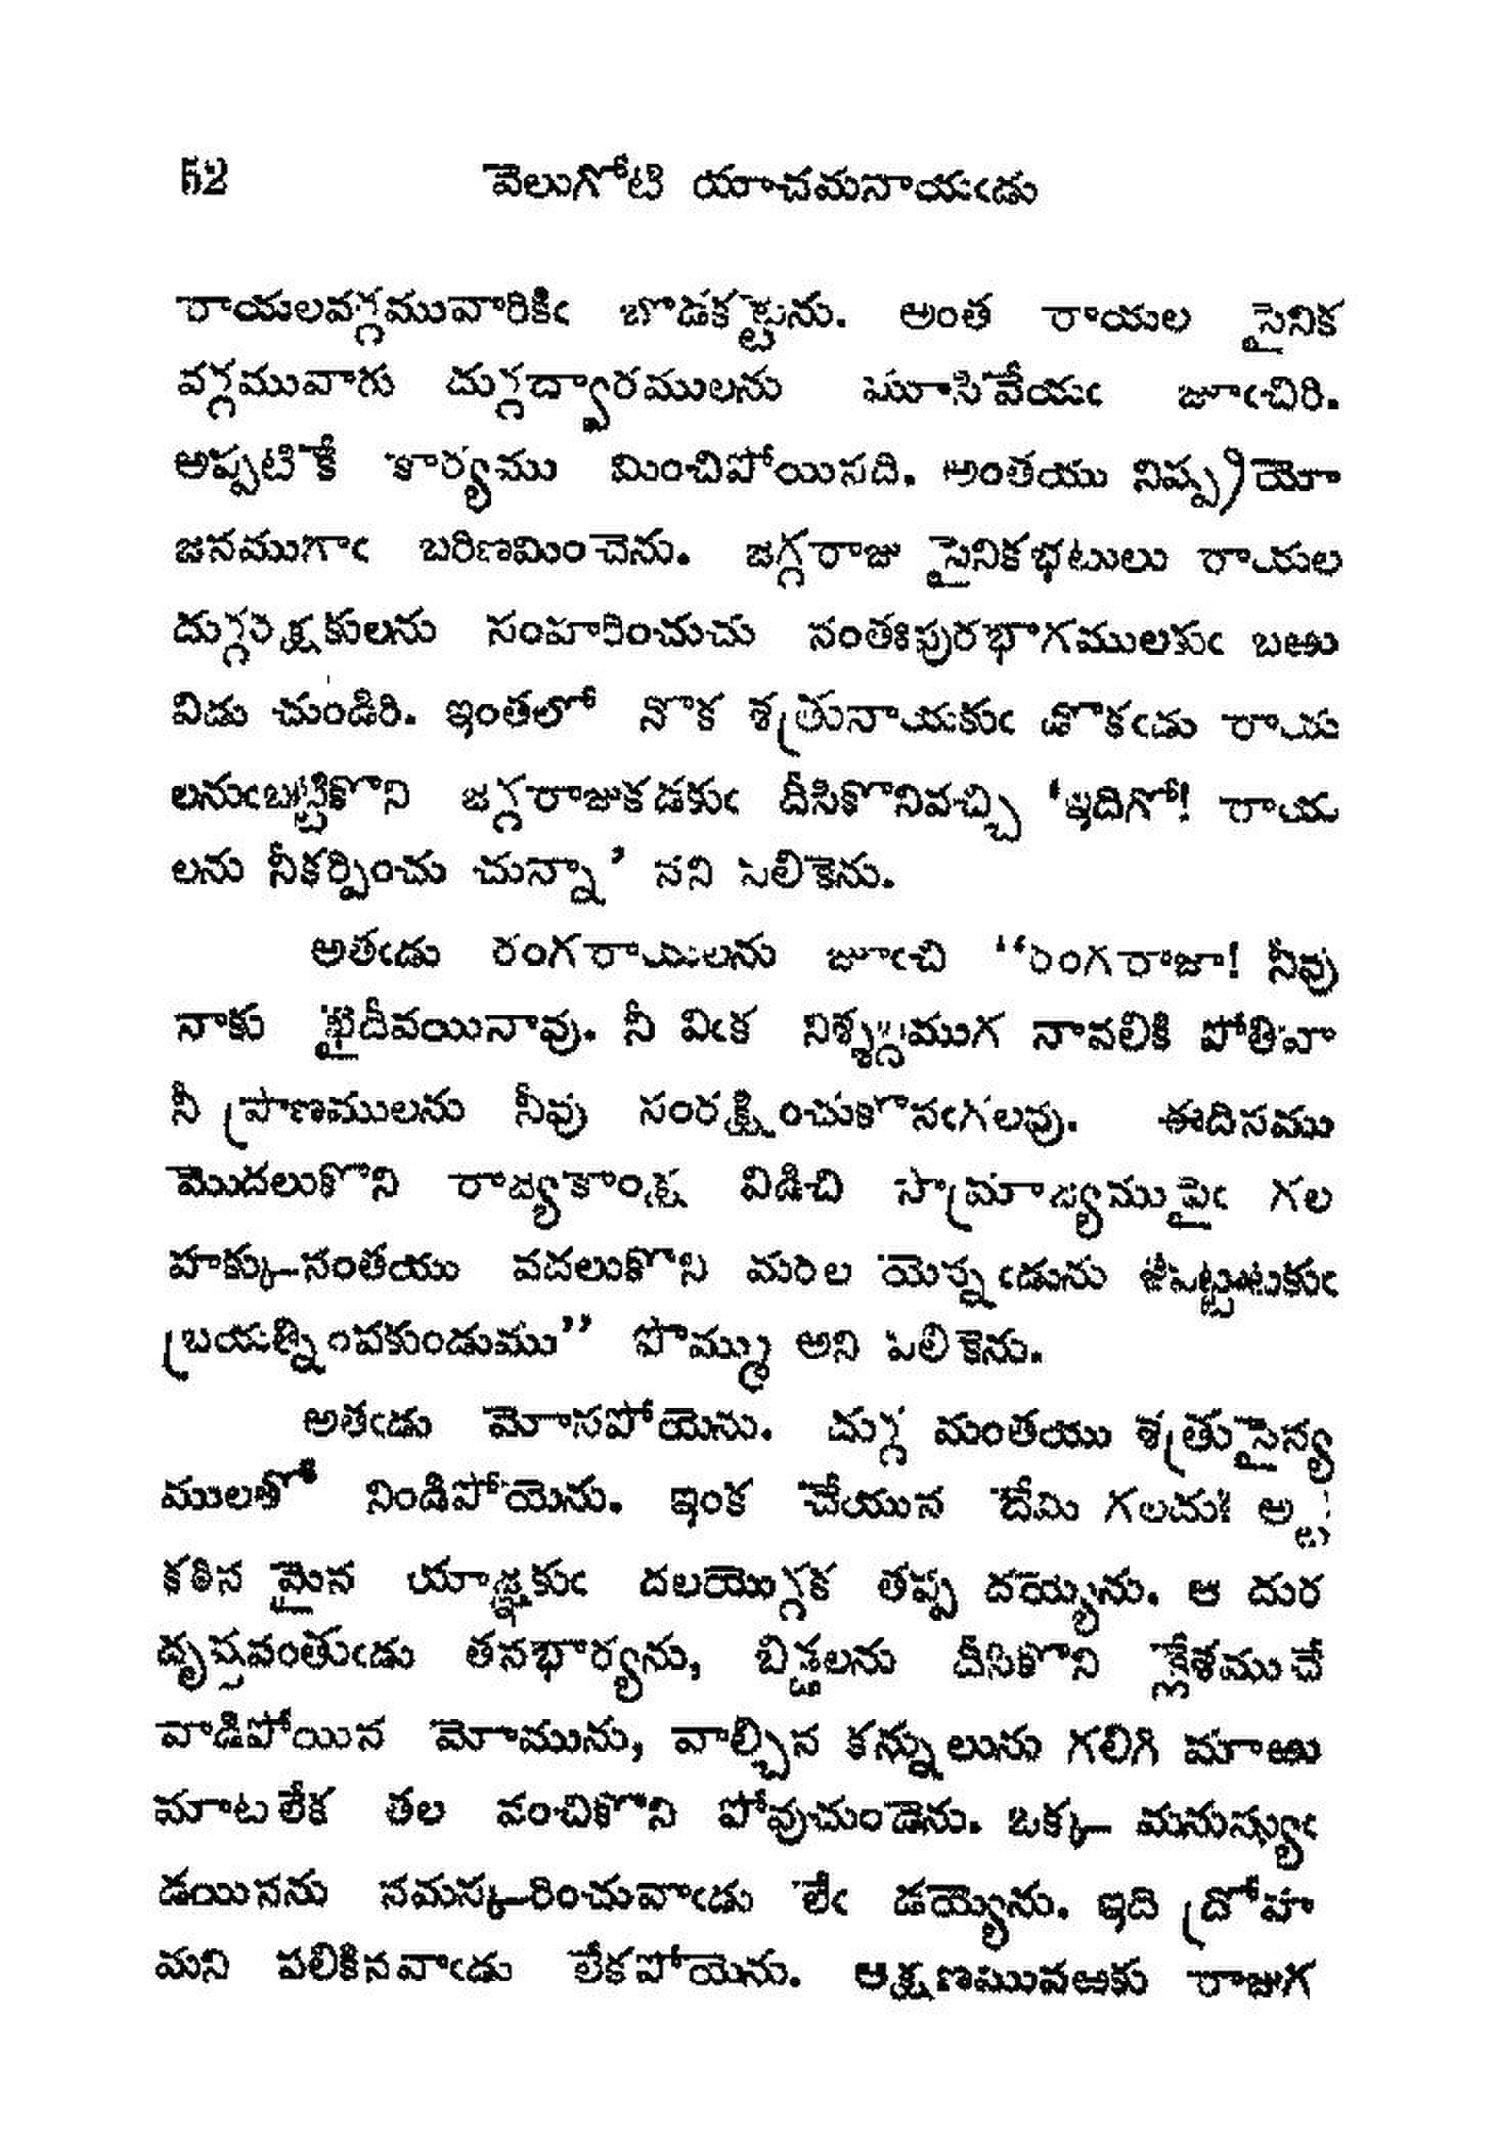రాయలవర్గమువారికిఁ బొడకట్టెను. అంత రాయల సైనిక వర్గమువారు దుర్గద్వారములను మూసివేయఁ జూఁచిరి. అప్పటికే కార్యము మించిపోయినది. అంతయు నిష్ప్రయోజనముగాఁ బరిణమించెను. జగ్గరాజు సైనికభటులు రాయల దుర్గరక్షకులను సంహరించుచు నంతఃపురభాగములకుఁ బఱు విడు చుండిరి. ఇంతలో నొక శత్రునాయకుఁ డొకఁడు రాయలనుఁబట్టికొని జగ్గరాజుకడకుఁ దీసికొనివచ్చి 'ఇదిగో! రాయలను నీకర్పించు చున్నా' నని పలికెను.

అతఁడు రంగరాయలను జూఁచి "రంగరాజా! నీవు నాకు ఖైదీవయినావు. నీ విఁక నిశ్శబ్దముగ నావలికి పోతివా నీ ప్రాణములను నీవు సంరంక్షించుకొనఁగలవు. ఈదినము మొదలుకొని రాజ్యకాంక్ష విడిచి సామ్రాజ్యముపైఁ గల హక్కునంతయు వదలుకొని మరల యెన్నఁడును జేపట్టుటకుఁ బ్రయత్నింపకుండుము" పొమ్ము అని పలికెను.

అతఁడు మోసపోయెను. దుర్గ మంతయు శత్రుసైన్యములతో నిండిపోయెను. ఇంక చేయున దేమి గలదు? అట్టి కఠిన మైన యాజ్ఞకుఁ దలయొగ్గక తప్ప దయ్యెను. ఆ దురదృష్టవంతుఁడు తనభార్యను, బిడ్డలను దీసికొని క్లేశముచే వాడిపోయిన మోమును, వాల్చిన కన్నులును గలిగి మాఱు మాటలేక తల వంచికొని పోవుచుండెను. ఒక్క మనుష్యుఁ డయినను నమస్కరించువాఁడు లేఁ డయ్యెను. ఇది ద్రోహమని పలికినవాఁడు లేకపోయెను. ఆక్షణమువఱకు రాజుగ